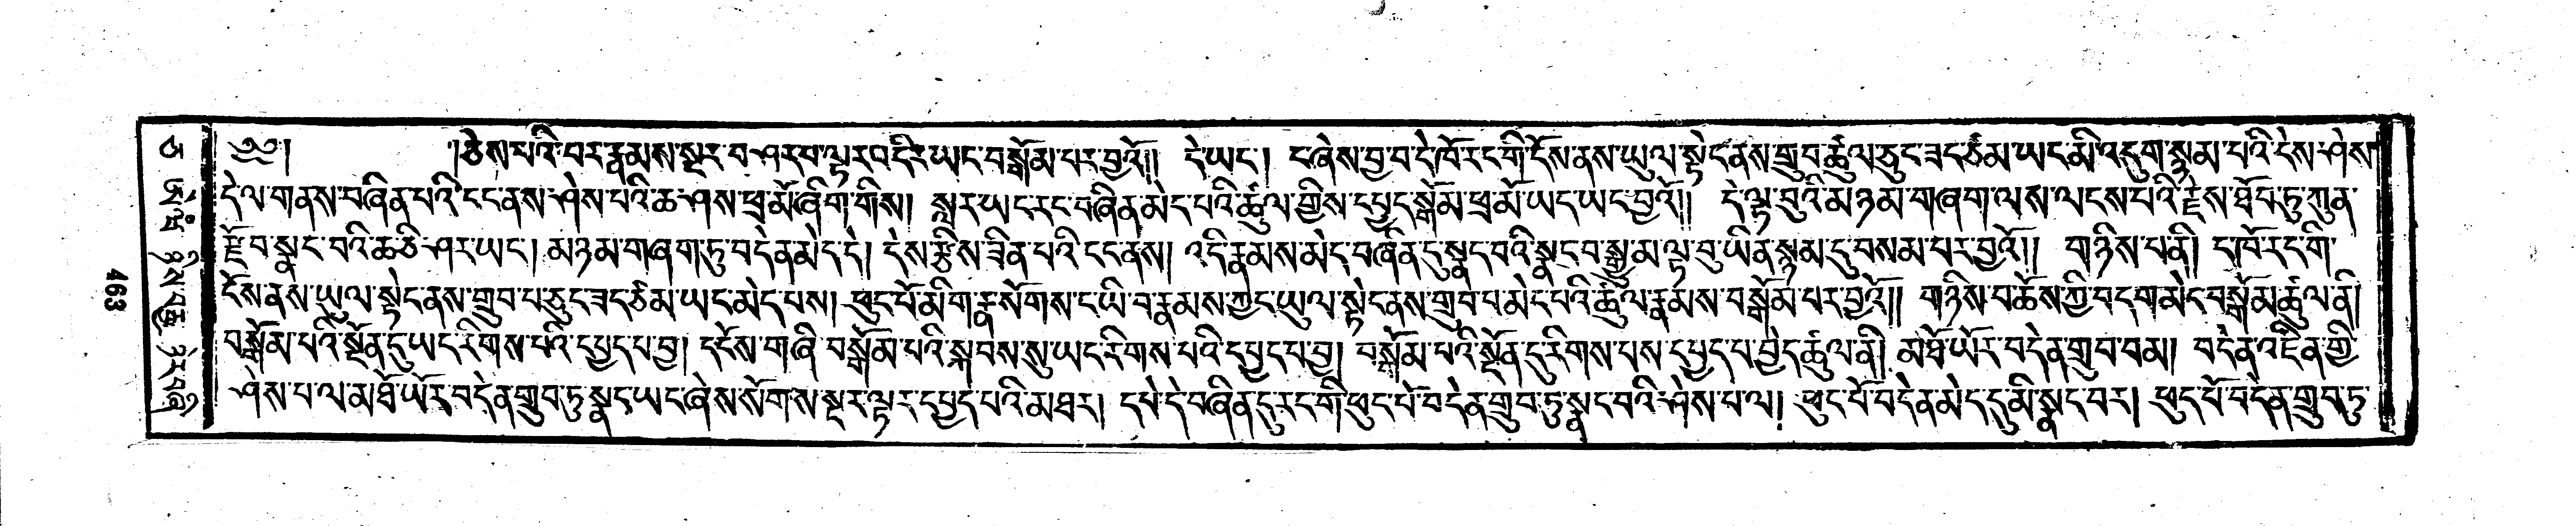༄༅། །ཅེས་པའི་བར་རྣམས་སྔར་བཤད་པ་ལྟར་འདིར་ཡང་བསྒོམ་པར་བྱའོ། །དེ་ཡང་། ང་ཞེས་བྱ་བ་དེ་ཁོ་རང་གི་ངོས་ནས་ཡུལ་སྟེང་ནས་གྲུབ་ཚུལ་ཅུང་ཟད་ཙམ་ཡང་མི་འདུག་སྙམ་པའི་ངེས་ཤེས་
དེ་ལ་གནས་བཞིན་པའི་ངང་ནས་ཤེས་པའི་ཆ་ཤས་ཕྲ་མོ་ཞིག་གིས། སླར་ཡང་རང་བཞིན་མེད་པའི་ཚུལ་གྱིས་དཔྱད་སྒོམ་ཕྲ་མོ་ཡང་ཡང་བྱའོ། །དེ་ལྟ་བུའི་མཉམ་གཞག་ལས་ལངས་པའི་རྗེས་ཐོབ་ཏུ་ཀུན་
རྫོབ་སྣང་བའི་ཆ་ཅི་ཤར་ཡང་། མཉམ་གཞག་ཏུ་བདེན་མེད་དེ། དེས་རྩིས་ཟིན་པའི་ངང་ནས། འདི་རྣམས་མེད་བཞིན་དུ་སྣང་བའི་སྣང་བ་སྒྱུ་མ་ལྟ་བུ་ཡིན་སྙམ་དུ་བསམ་པར་བྱའོ། །གཉིས་པ་ནི། ང་ཁོ་རང་གི་
ངོས་ནས་ཡུལ་སྟེང་ནས་གྲུབ་པ་ཅུང་ཟད་ཙམ་ཡང་མེད་པས། ཕུང་པོ་མིག་རྣ་སོགས་ང་ཡི་བ་རྣམས་ཀྱང་ཡུལ་སྟེང་ནས་གྲུབ་པ་མེད་པའི་ཚུལ་རྣམས་བསྒོམ་པར་བྱའོ། །གཉིས་པ་ཆོས་ཀྱི་བདག་མེད་བསྒོམ་ཚུལ་ནི།
བསྒོམ་པའི་སྔོན་དུ་ཡང་རིགས་པའི་དཔྱད་པ་བྱ། དངོས་གཞི་བསྒོམ་པའི་སྐབས་སུ་ཡང་རིགས་པའི་དཔྱད་པ་བྱ། བསྒོམ་པའི་སྔོན་དུ་རིགས་པས་དཔྱད་པ་བྱེད་ཚུལ་ནི། མཐོ་ཡོར་བདེན་གྲུབ་བམ། བདེན་འཛིན་གྱི་
ཤེས་པ་ལ་མཐོ་ཡོར་བདེན་གྲུབ་ཏུ་སྣང་ཡང་ཞེས་སོགས་སྔར་ལྟར་དཔྱད་པའི་མཐར། དཔེ་དེ་བཞིན་དུ་རང་གི་ཕུང་པོ་བདེན་གྲུབ་ཏུ་སྣང་བའི་ཤེས་པ་ལ། ཕུང་པོ་བདེན་མེད་དུ་མི་སྣང་བར། ཕུང་པོ་བདེན་གྲུབ་ཏུ་